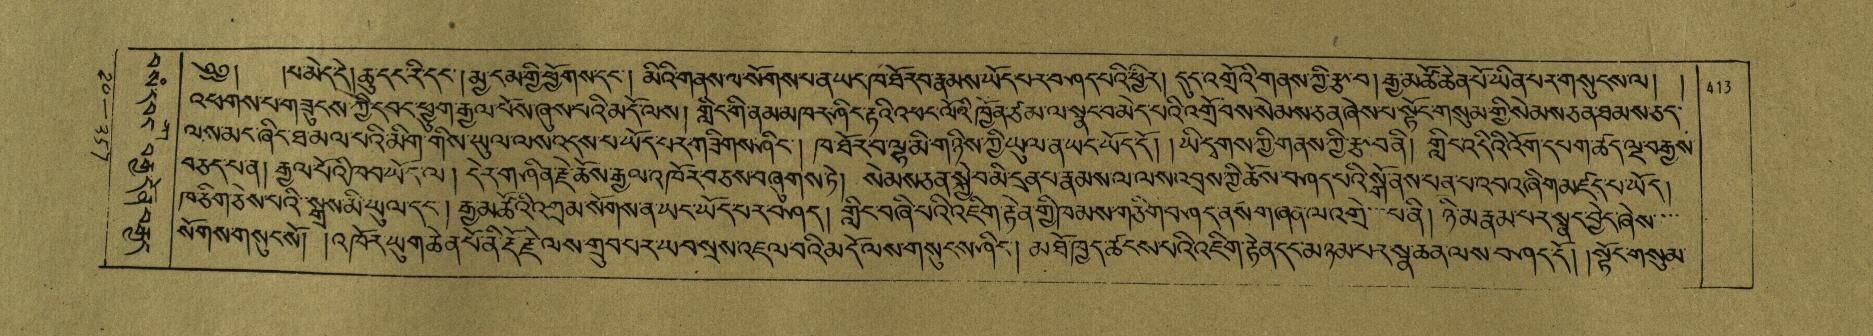༄༅། །པ་མེད་དེ། ཆུ་དང་རི་དང་། མྱ་ངམ་གྱི་ཕྱོགས་དང་། མིའི་གནས་ལ་སོགས་པ་ན་ཡང་ཁ་ཐོར་བ་རྣམས་ཡོད་པར་བཤད་པའི་ཕྱིར། དུད་འགྲོའི་གནས་ཀྱི་རྩ་བ། རྒྱ་མཚོ་ཆེན་པོ་ཡིན་པར་གསུངས་ལ། །
འཕགས་པ་གཟུངས་ཀྱི་དབང་ཕྱུག་རྒྱལ་པོས་ཞུས་པའི་མདོ་ལས། གླིང་གི་ནམ་མཁར་ཤིང་རྟའི་འཕང་ལོའི་ཁྱོན་ཙམ་ལ་སྣང་བ་མེད་པའི་འགྲོ་བས་སེམས་ཅན་ཞེས་པ་སྟོང་གསུམ་གྱི་སེམས་ཅན་ཐམས་ཅད་
ལས་མང་ཞིང་ཐ་མལ་པའི་མིག་གིས་ཡུལ་ལས་འདས་པ་ཡོད་པར་གཟིགས་ཤིང་། ཁ་ཐོར་བ་ལྷ་མི་གཉིས་ཀྱི་ཡུལ་ན་ཡང་ཡོད་དོ། །ཡི་དྭགས་ཀྱི་གནས་ཀྱི་རྩ་བ་ནི། གླིང་འདིའི་འོག་དཔག་ཚད་ལྔ་བརྒྱས་
བཅད་པ་ན། རྒྱལ་པོའི་ཁབ་ཡོད་ལ། དེར་གཤིན་རྗེ་ཆོས་རྒྱལ་འཁོར་བཅས་བཞུགས་ཏེ། སེམས་ཅན་སྐྱེ་བ་མི་དྲན་པ་རྣམས་ལ་ལས་འབྲས་ཀྱི་ཆོས་བཤད་པའི་སྒོ་ནས་ཕན་པ་འབའ་ཞིག་མཛད་པ་ཡོད།
ཁ་ཅིག་ཅེས་པའི་སྒྲས་མི་ཡུལ་དང་། རྒྱ་མཚོའི་འགྲམ་སོགས་ན་ཡང་ཡོད་པར་བཤད། གླིང་བཞི་པའི་འཇིག་རྟེན་གྱི་ཁམས་གཅིག་བཤད་ནས་གཞན་འགྲེ་པ་ནི། ཉི་མ་རྣམ་པར་སྣང་བྱེད་ཞེས་
སོགས་གསུང་སོ། །འཁོར་ཡུག་ཆེན་པོ་ནི་རྡོ་རྗེ་ལས་གྲུབ་པར་ཡབ་སྲས་འཇལ་བའི་མདོ་ལས་གསུངས་ཤིང་། མཐོ་ཁྱད་ཚངས་པའི་འཇིག་རྟེན་དང་མཉམ་པར་སྣ་ཆན་ལས་བཤད་དོ། །སྟོང་གསུམ་